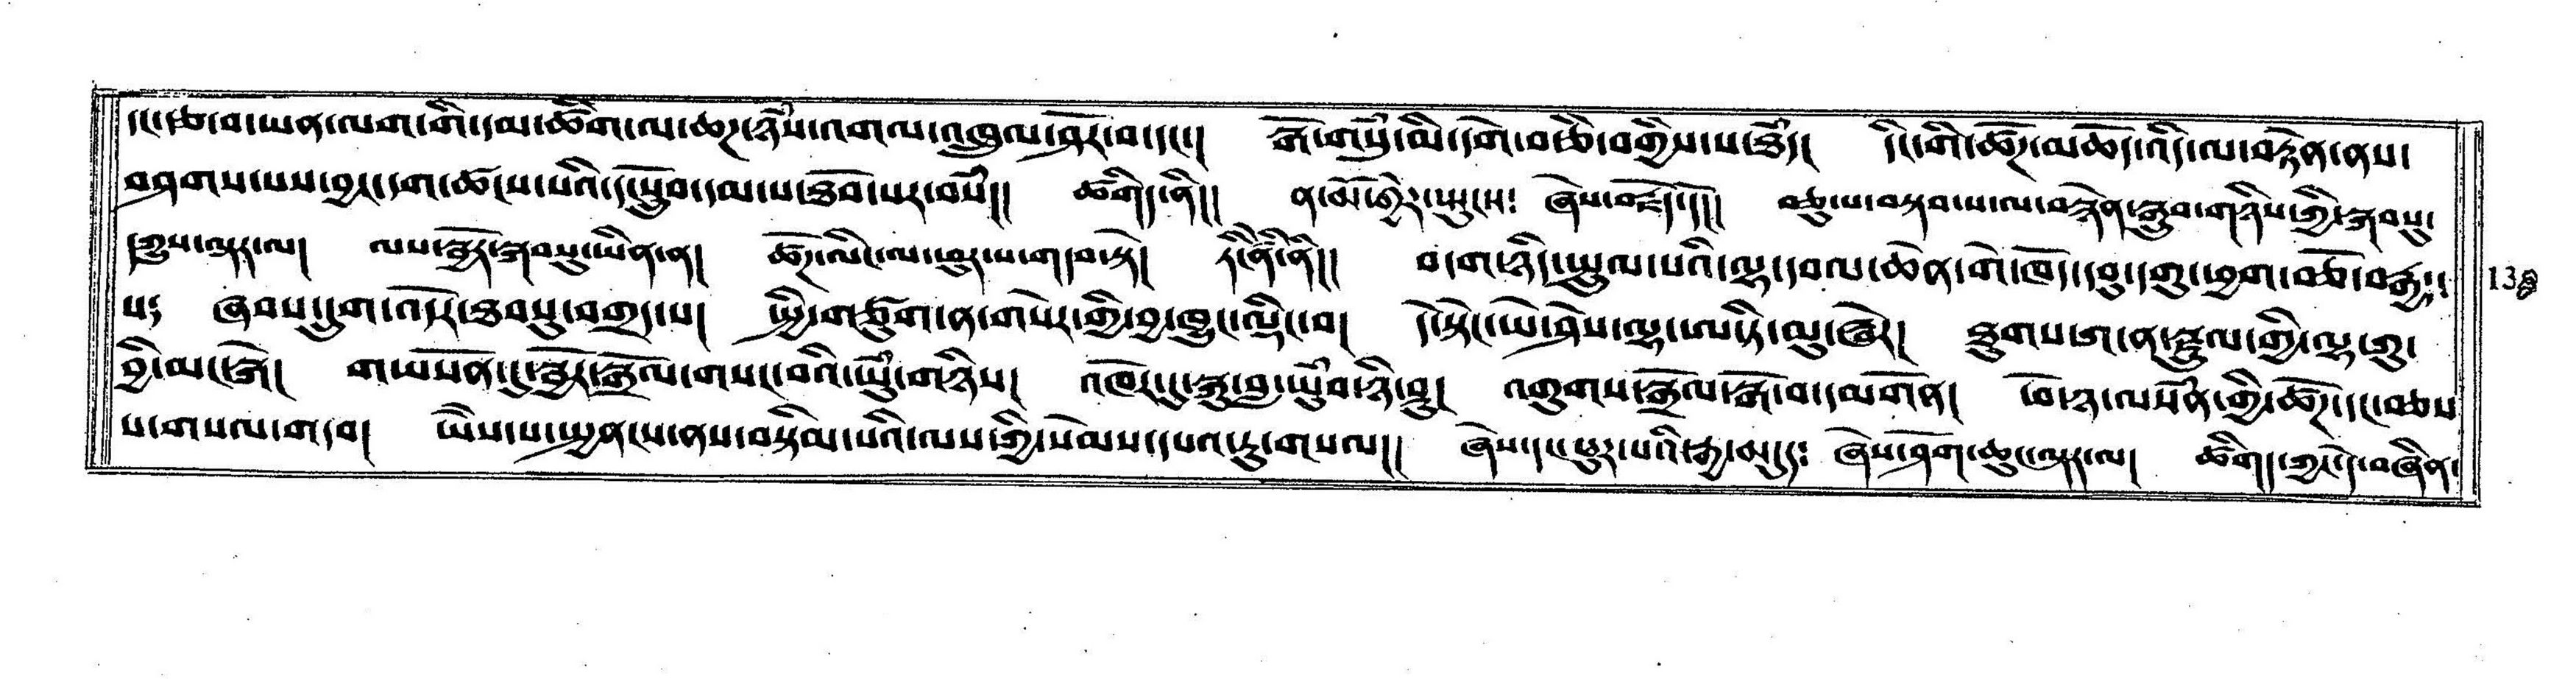དང་རྩ་བ་ཡན་ལག་གི་དམ་ཚིག་ལ་ཆགས་ཉམས་འགལ་འཁྲུལ་ཤོར་བ་དང་། སྒོ་གསུམ་མི་དགེ་བ་ཅི་བགྱིས་པ་ཐམས་ཅད། དིང་གི་ཚོགས་མཆོད་འདི་ལ་བརྟེན་ནས་
བཤགས་པས་བྱང་དག་ཚངས་པའི་དངོས་གྲུབ་དམ་པ་ཐོབ་པར་བསམ།། ཚིག་བཤད་ནི། ན་མོ་གྱེར་སྤུངས༴ ཞེས་བརྗོད་དོ།། བཅུ་པ་བསྟབ་པ་ལ་བསྙེན་སྒྲུབ་གཉིས་ཀྱི་སྐབས་སུ་
དཀྱུས་ལྟར་ལ། ལས་སྦྱོར་སྐབས་སུ་ཡིན་ན། ཚོགས་ལིང་ལ་ཕུར་པ་གདབ་སྟེ། ཏིང་ངེ་འཛིན་ནི།། བདག་ཉིད་སྤྲུལ་པའི་ལྷ་དབལ་ཆེན་གེ་ཁོད་དབུ་དགུ་ཕྱག་བཅོ་བརྒྱད་
པ། ཞབས་དྲུག་འདོར་ཐབས་སུ་བགྲད་པ། སྤྱི་གཙུག་ན་གསེར་གྱི་བྱ་ཁྱུང་ལྡིང་བ། དེ་སྟེང་ཡེ་ཤེས་ཀྱི་ལྷ་ཨ་ཏི་མུ་ཝེར། ཐུགས་ཀ་ན་རྫུ་འཕྲུལ་གྱི་ལྷ་ཀུ་
བྱི་མང་སྐེ། གཡས་གཡོན་དུ་སྦྱོར་སྒྲོལ་གསང་བའི་ཡུམ་གཉིས། འཁོར་དུ་སྐུ་བླ་ཡབ་ཡུམ་ཉི་ཤུ། འགུགས་སྒྲོལ་སྒོ་བ་དམག་དཔོན། ཕོ་ཉ་ལས་མཁན་གྱི་ཚོགས་དང་བཅས་
པ་གསལ་གདབ། ཡེ་ཤེས་པ་སྤྱན་དྲངས་ནས་བསྟིམ་པའི་ལས་ཀྱི་སེམས་དཔའ་རུ་གསལ།། ཞེས་དང་ཕུར་པའི་རྒྱ་མདུད༴ ཞེས་ཤོག་ཆུང་ལྟར་ལ། ཚིག་བཤད་ཀྱང་དེ་བཞིན་